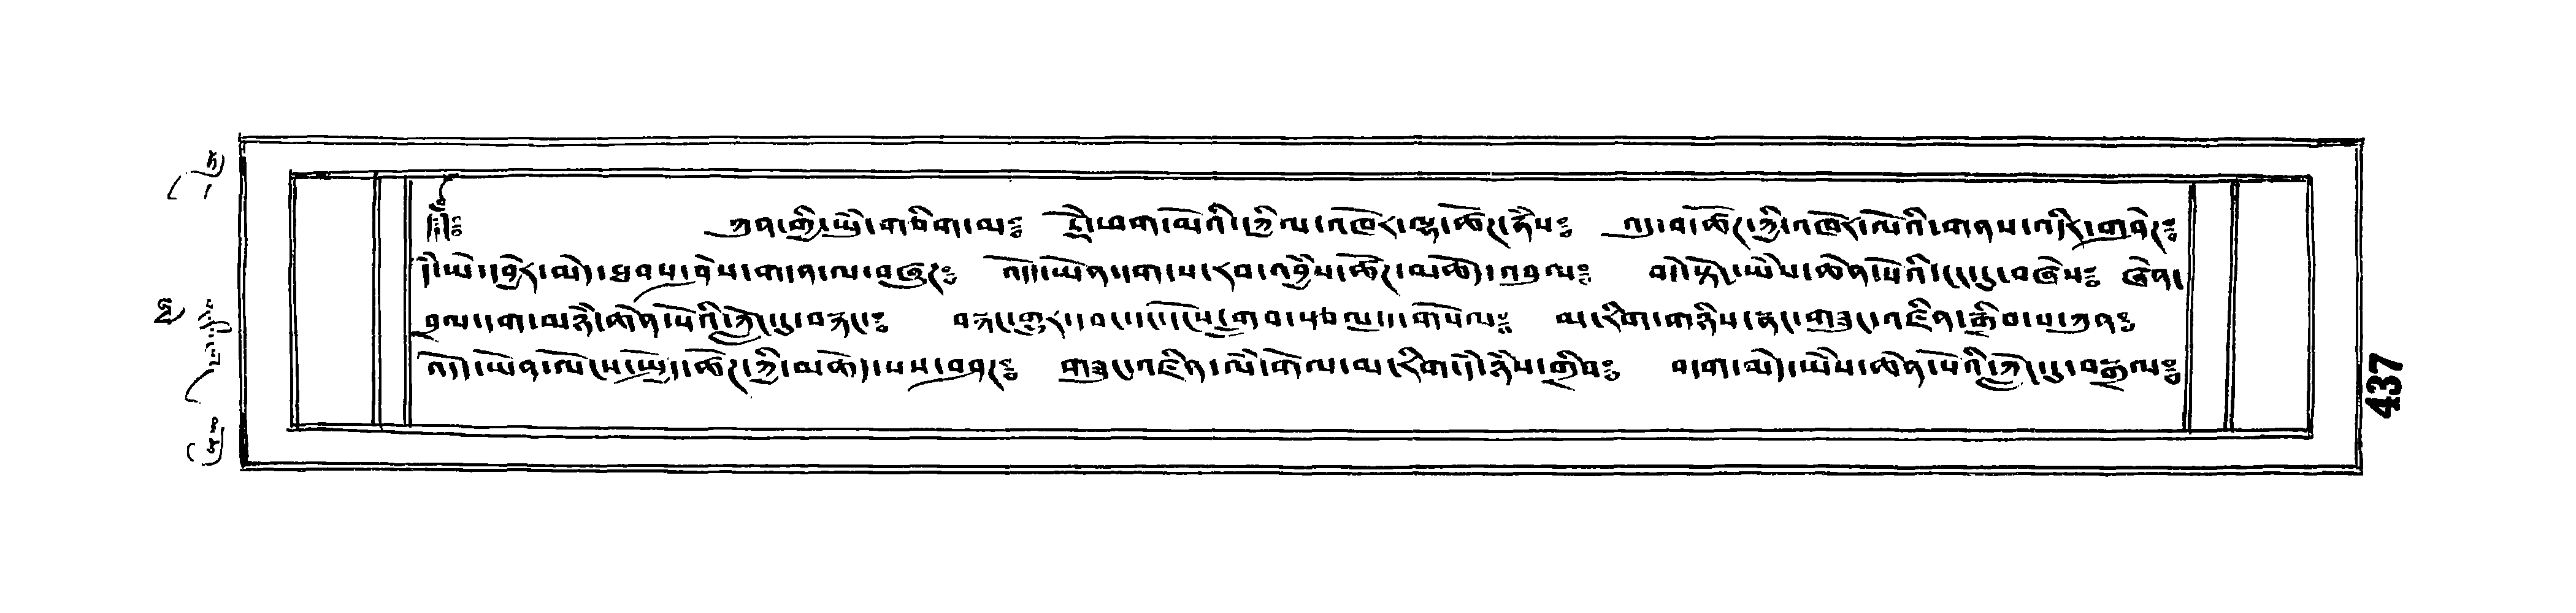ཀུན་གྱི་ཡུམ་གཅིག་མ༔ རྡོ་རྗེ་ཕག་མོའི་དཀྱིལ་འཁོར་ལྷ་ཚོགས་རྣམས༔ འདུ་བ་ཚོགས་ཀྱི་འཁོར་ལོའི་གནས་འདིར་གཤེགས༔ 
དམ་ཡེ་དབྱེར་མེད་ཐབས་ཤེས་གདན་ལ་བཞུགས༔ འདོད་ཡོན་དག་པ་རབ་འབྱམས་ཚོགས་མཆོད་འབུལ༔ བདེ་སྟོང་ཡེ་ཤེས་ཆེན་པོའི་ངང་དུ་བཞེས༔ ཞེན་
བྲལ་དག་མཉམ་ཆེན་པོའི་ཀློང་དུ་བསྐང༔ བསྐང་གྱུར་དབང་དང་དངོས་གྲུབ་བསྩལ་དུ་གསོལ༔ མ་རིག་གཉིས་སྣང་གཟུང་འཛིན་སྒྲིབ་པ་ཀུན༔ 
འདོད་ཡོན་ལོངས་སྤྱོད་ཚོགས་ཀྱི་མཆོད་པས་བཤགས༔ གཟུང་འཛིན་ལམ་གོལ་མ་རིག་དམ་ཉམས་གྲིབ༔ བདག་མེད་ཡེ་ཤེས་ཆེན་པོའི་ཀློང་དུ་བསྒྲལ༔